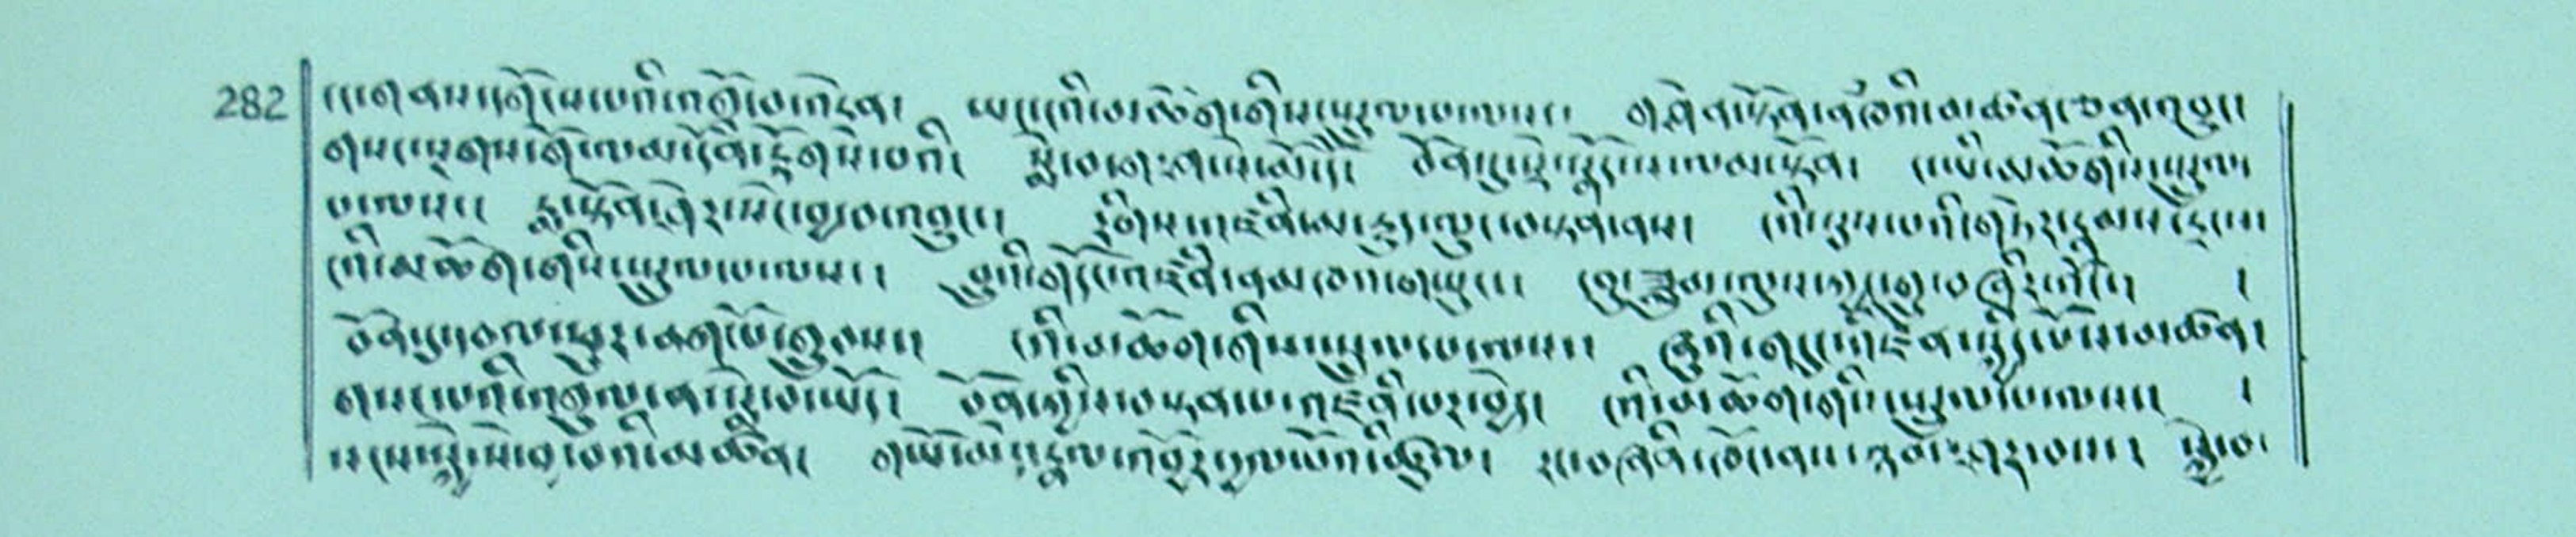ངང་གནས་དགོངས་པའི་འགྲོ་བ་འདྲེན། ཡང་ང་ཡི་མཆོག་གི་སྤྲུལ་པ་ལས། གཤེན་སྟོན་ནམ་མཁའི་མཚན་ཅན་འབྱུང་།
 གསང་སྔགས་གོ་ལམ་དོན་རྟོགས་པའི། སྨེ་བ་ཀ་ཤ་སེ་མོ་དོ། བོན་དང་སྡེ་སྣོད་ས་ལམ་སྟོན། ང་ཡི་མཆོག་གིས་སྤྲུལ་
པ་ལས། རྨ་སྟོན་ཤེར་སེང་བྱ་བ་འབྱུང་། རིགས་འཛིན་མཁའ་འགྲོ་མ་རྒྱུད་ལུང་བསྟན་ནས། ང་ཡིས་སྦས་པའི་གཏེར་རྣམས་དྲངས།
 ང་ཡི་མཆོག་གི་སྤྲུལ་པ་ལས། བྲུ་ཡི་གདོང་འཛིན་ནམ་མཁའ་གཡུང་། དབུ་ཟླུམ་ལུས་ཀྱང་གྲུ་བཞིར་འོང་། 
བོན་དུ་དབལ་ཕུར་ནག་པོ་གྲུབ། ང་ཡི་མཆོག་གི་སྤྲུལ་པ་ལས། ཞུའི་གདུང་འཛིན་སྐྱིད་པོའི་མཚན། 
གསང་བའི་མགུལ་ན་སྨེ་བ་ཡོད། བོན་གྱི་བསྟན་པ་འཛིན་པར་བྱེད། ང་ཡི་མཆོག་གི་སྤྲུལ་པ་ལས། 
སངས་རྒྱས་སྐྱེ་སེ་བྱ་བའི་མཚན། གཡོ་མེད་རྣལ་འབྱོར་རྒྱལ་བོའི་ཚུལ། རང་བཞིན་ཁོང་ནས་ཉམས་ཤར་བས། སྐྱེ་བ་